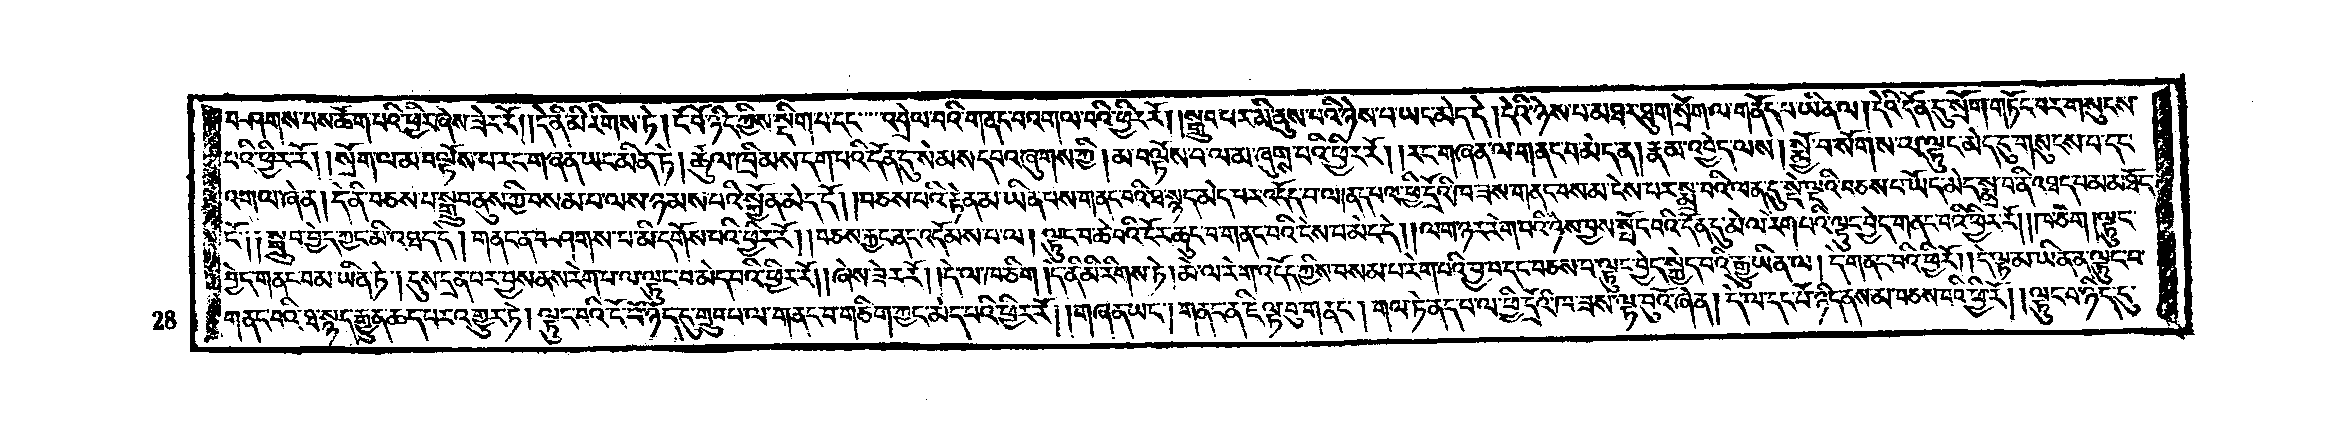བཤགས་པས་ཆོག་པའི་ཕྱིར་ཞེས་ཟེར་རོ། །དེ་ནི་མི་རིགས་ཏེ། ངོ་བོ་ཉིད་ཀྱིས་སྡིག་པ་དང་འབྲེལ་བའི་གནང་བ་འགལ་བའི་ཕྱིར་རོ། །སྒྲུབ་པར་མི་ནུས་པའི་ཉེས་པ་ཡང་མེད་དེ། དེའི་ཉེས་པ་མཐར་ཐུག་སྲོག་ལ་གནོད་པ་ཡིན་ལ། དེའི་དོན་དུ་སྲོག་གཏོང་བར་གསུངས་
པའི་ཕྱིར་རོ། །སྲོག་ལ་མ་བལྟོས་པ་རང་གཞན་ཡང་མིན་ཏེ། ཚུལ་ཁྲིམས་དག་པའི་དོན་དུ་སེམས་དཔའ་ཞུགས་ཀྱི། མ་བལྟོས་པ་ལ་མ་ཞུགས་པའི་ཕྱིར་རོ། །རང་གཞན་ལ་གནང་བ་མེད་ན། རྣམ་འབྱེད་ལས། སྨྱོ་བ་སོགས་ལ་ལྟུང་མེད་དུ་གསུངས་པ་དང་
འགལ་ཞེ་ན། དེ་ནི་བཅས་པ་སྒྲུབ་ནུས་ཀྱི་བསམ་པ་ལས་ཉམས་པའི་སྐྱོན་མེད་དོ། །བཅས་པའི་རྟེན་མ་ཡིན་པས་གནང་བའི་ཐ་སྙད་མེད་པར་འདོད་པ་ལ། ནད་པ་ལ་ཕྱི་དྲོའི་ཁ་ཟས་གནང་བས་མ་ངེས་པར་སྨྲ་བའི་ལན་དུ་སྡེ་ལྔའི་བཅས་པ་ཡོད་མེད་སྨྲ་བ་ནི་འཐད་པ་མ་མཐོང་
ངོ༑ ༑སྒྲུབ་བྱེད་ཀྱང་མི་འཐད་དེ། གནང་ན་བཤགས་པ་མི་དགོས་པའི་ཕྱིར་རོ། །བཅས་རྐྱང་ནང་འདོམས་པ་ལ། ལྟུང་བ་ཆེ་བའི་ངོར་ཆུང་བ་གནང་བའི་ངེས་པ་མེད་དེ། །ལག་ཉར་རེག་པའི་ཉེས་བྱས་སྤོང་བའི་དོན་དུ་མེ་ལ་རེག་པའི་ལྟུང་བྱེད་གནང་བའི་ཕྱིར་རོ། །ཁ་ཅིག །ལྟུང་
བྱེད་གནང་བ་མ་ཡིན་ཏེ། དུས་དྲན་པར་བྱས་ནས་རེག་པ་ལ་ལྟུང་བ་མེད་པའི་ཕྱིར་རོ། །ཞེས་ཟེར་རོ། །དེ་ལ་ཁ་ཅིག །དེ་ནི་མི་རིགས་ཏེ། མེ་ལ་རེག་འདོད་ཀྱིས་བསམ་པ་རེག་པའི་བྱ་བ་དང་བཅས་པ་ལྟུང་བྱེད་སྐྱེད་པའི་རྒྱུ་ཡིན་ལ། དེ་གནང་བའི་ཕྱིར་རོ། །དེ་ལྟ་མ་ཡིན་ན་ལྟུང་བ་
གནང་བའི་ཐ་སྙད་རྒྱུན་ཆད་པར་འགྱུར་ཏེ། ལྟུང་བའི་ངོ་བོ་ཉིད་དུ་གྲུབ་པ་ལ་གནང་བ་གཅིག་ཀྱང་མེད་པའི་ཕྱིར་རོ། །གཞན་ཡང་། གནང་ན་ཇི་ལྟ་བུ་གནང་། གལ་ཏེ་ནད་པ་ལ་ཕྱི་དྲོའི་ཁ་ཟས་ལྟ་བུའོ་ཞེ་ན། དེ་ལ་དང་པོ་ཉིད་ནས་མ་བཅས་པའི་ཕྱིར་རོ། །ལྟུང་བ་ཉིད་དུ་